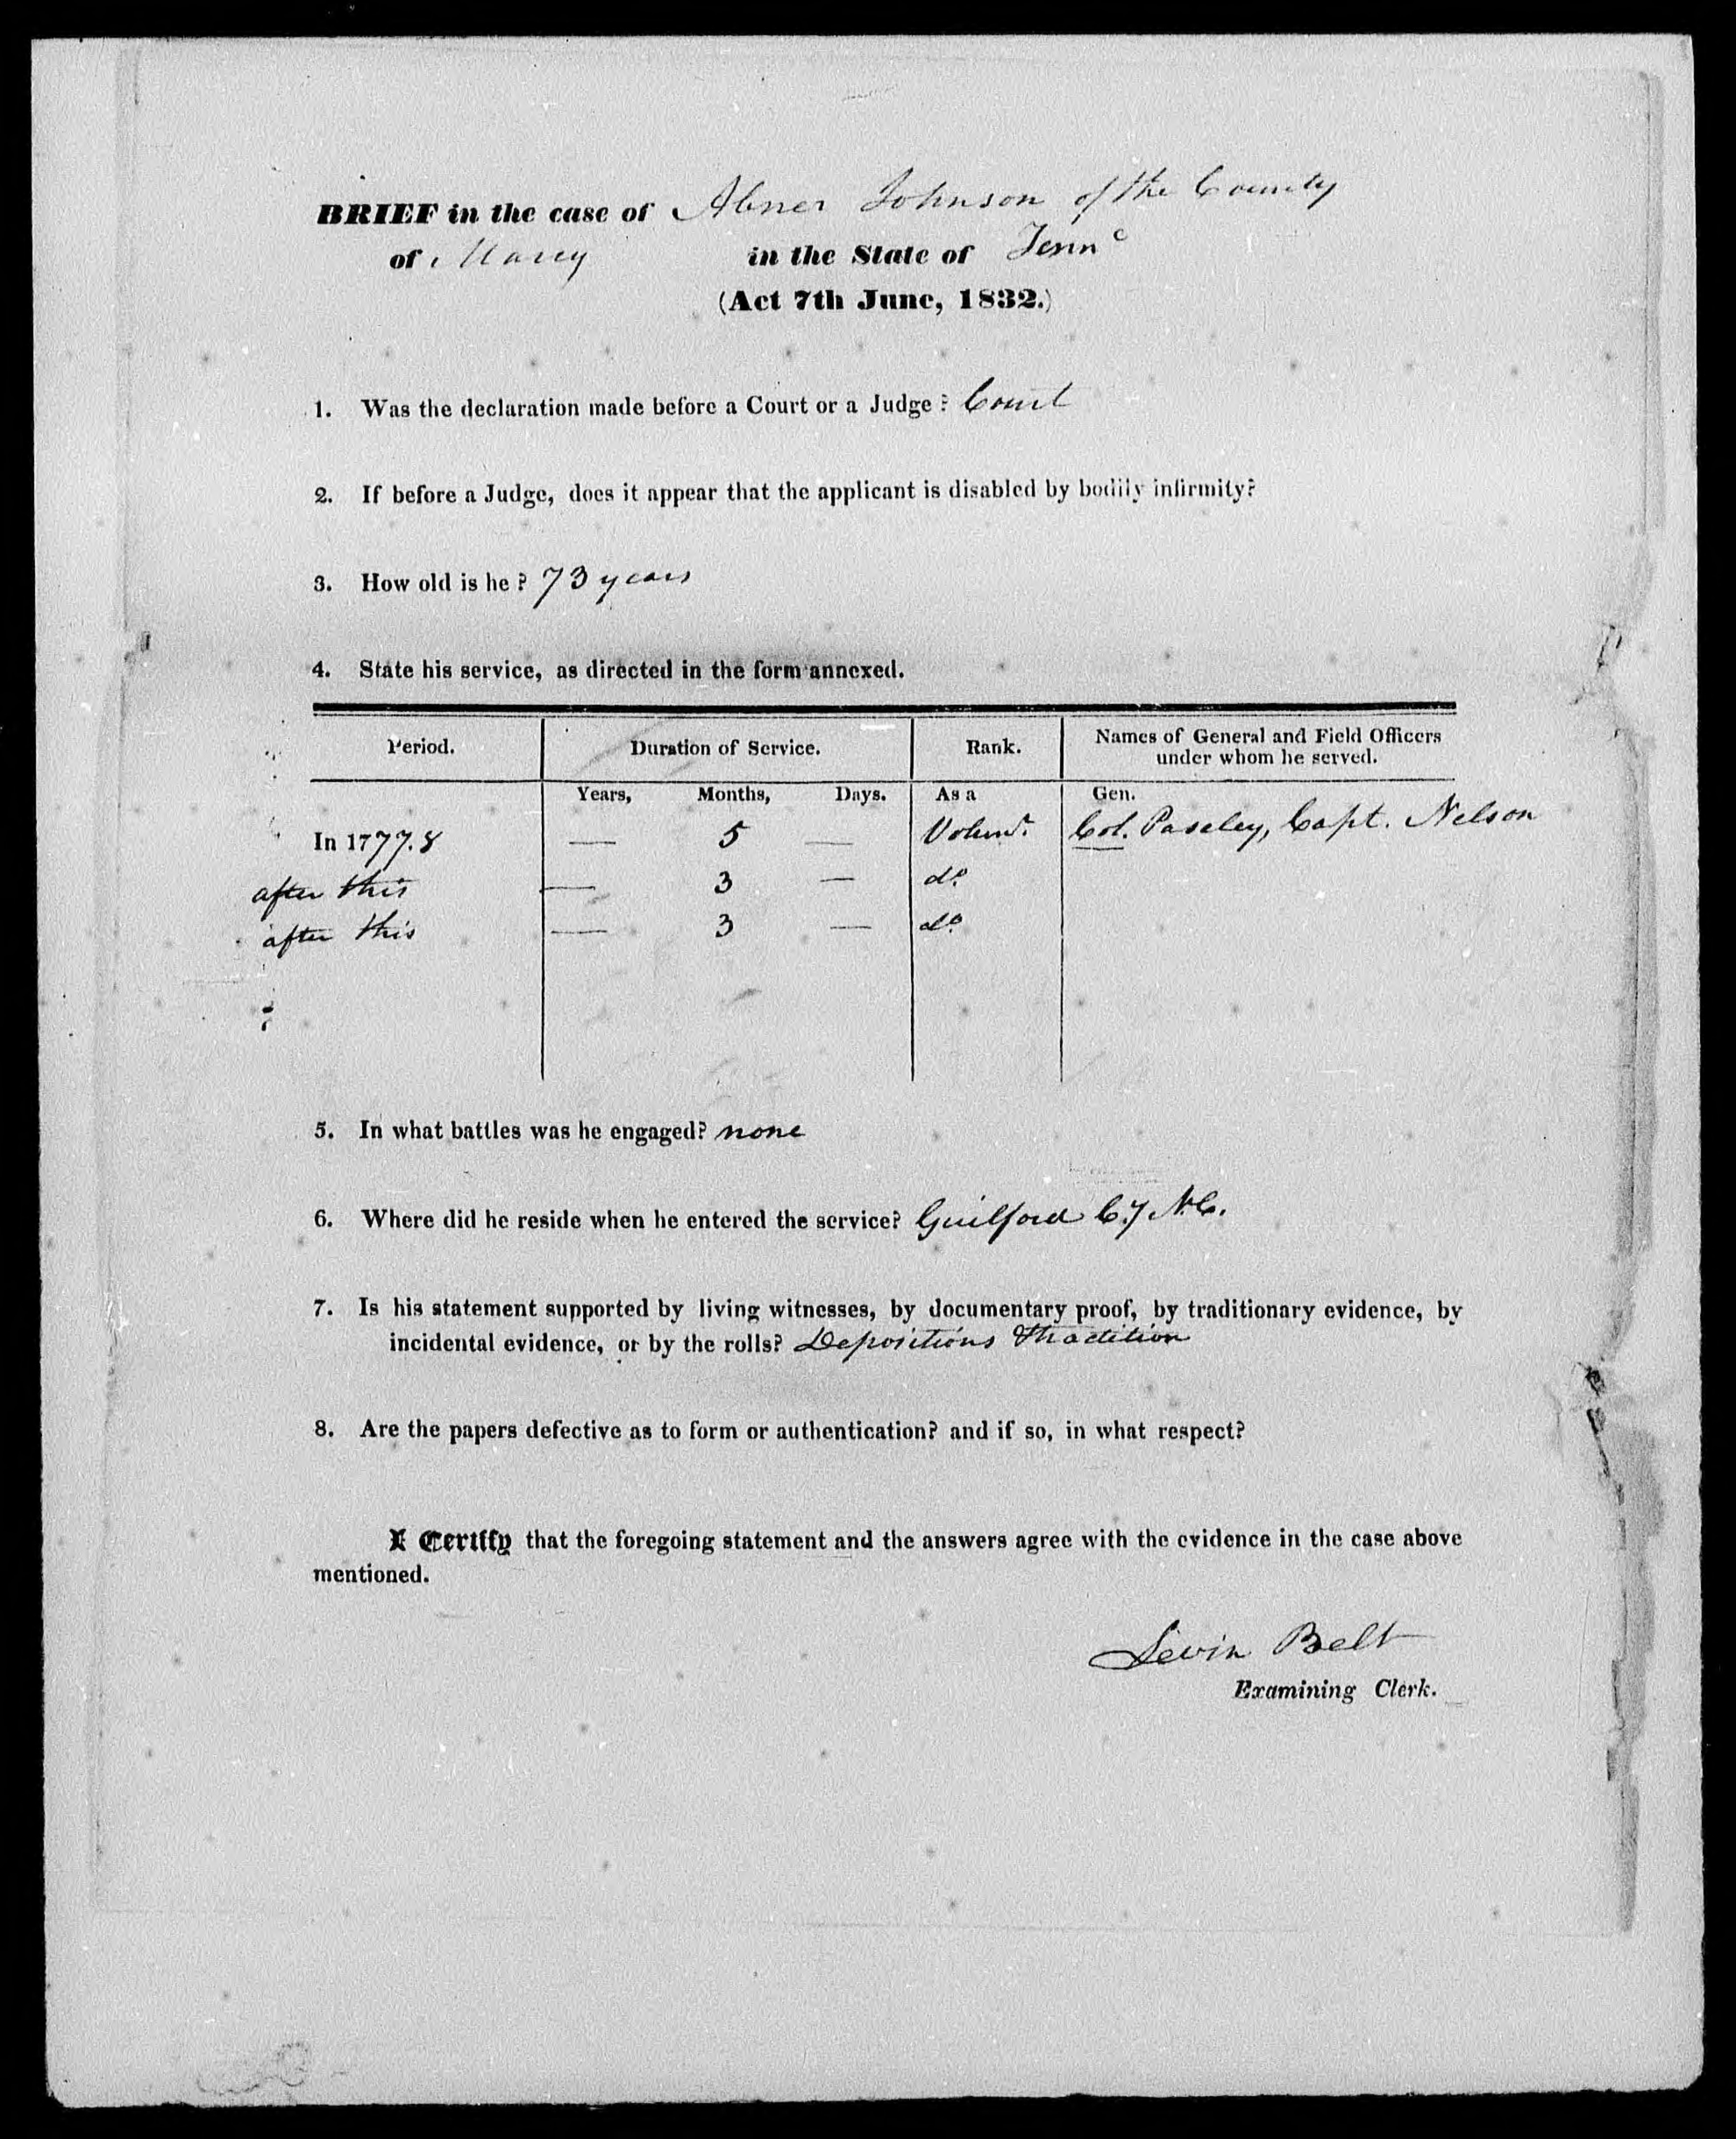BRIEF in the case of Abner Johnson of the County of Maury in the State of Tenn
(Act 7th June, 1832.)

1. Was the declaration made before a Court or a Judge? Court
2. If before a Judge, does it appear that the applicant is disabled by bodily infirmity?
3. How old is he? 73 years
4. State his service, as directed in the form annexed.
---
Period. | Duration of Service. | Rank. | Names of General and Field Officers under whom he served.
-
| Years, Months, Days. | As a | Gen.
In 1778 | -- 5 -- | Volunt. | Col. Paseley, Capt. Nelson
after this | -- 3 -- | do. | 
after this | -- 3 -- |do. |
---
5. In what battler was he engaged? none
6. Where did he reside when he entered the service? Guilford Cy N.C
7. Is his statement supported by living witnesses, by documentary proof, by traditional evidence, by incidental evidence, or by the rolls? Depositions & tradition
8. Are the papers defective as to form or authentication? and if so, in what respect?

I certify that the foregoing statement and the answers agree with the evidence in the case above mentioned.
Levin Belt
Examining Clerk.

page: 4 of 27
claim: rejected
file: R. 5649, for Abner Johnson, North Carolina